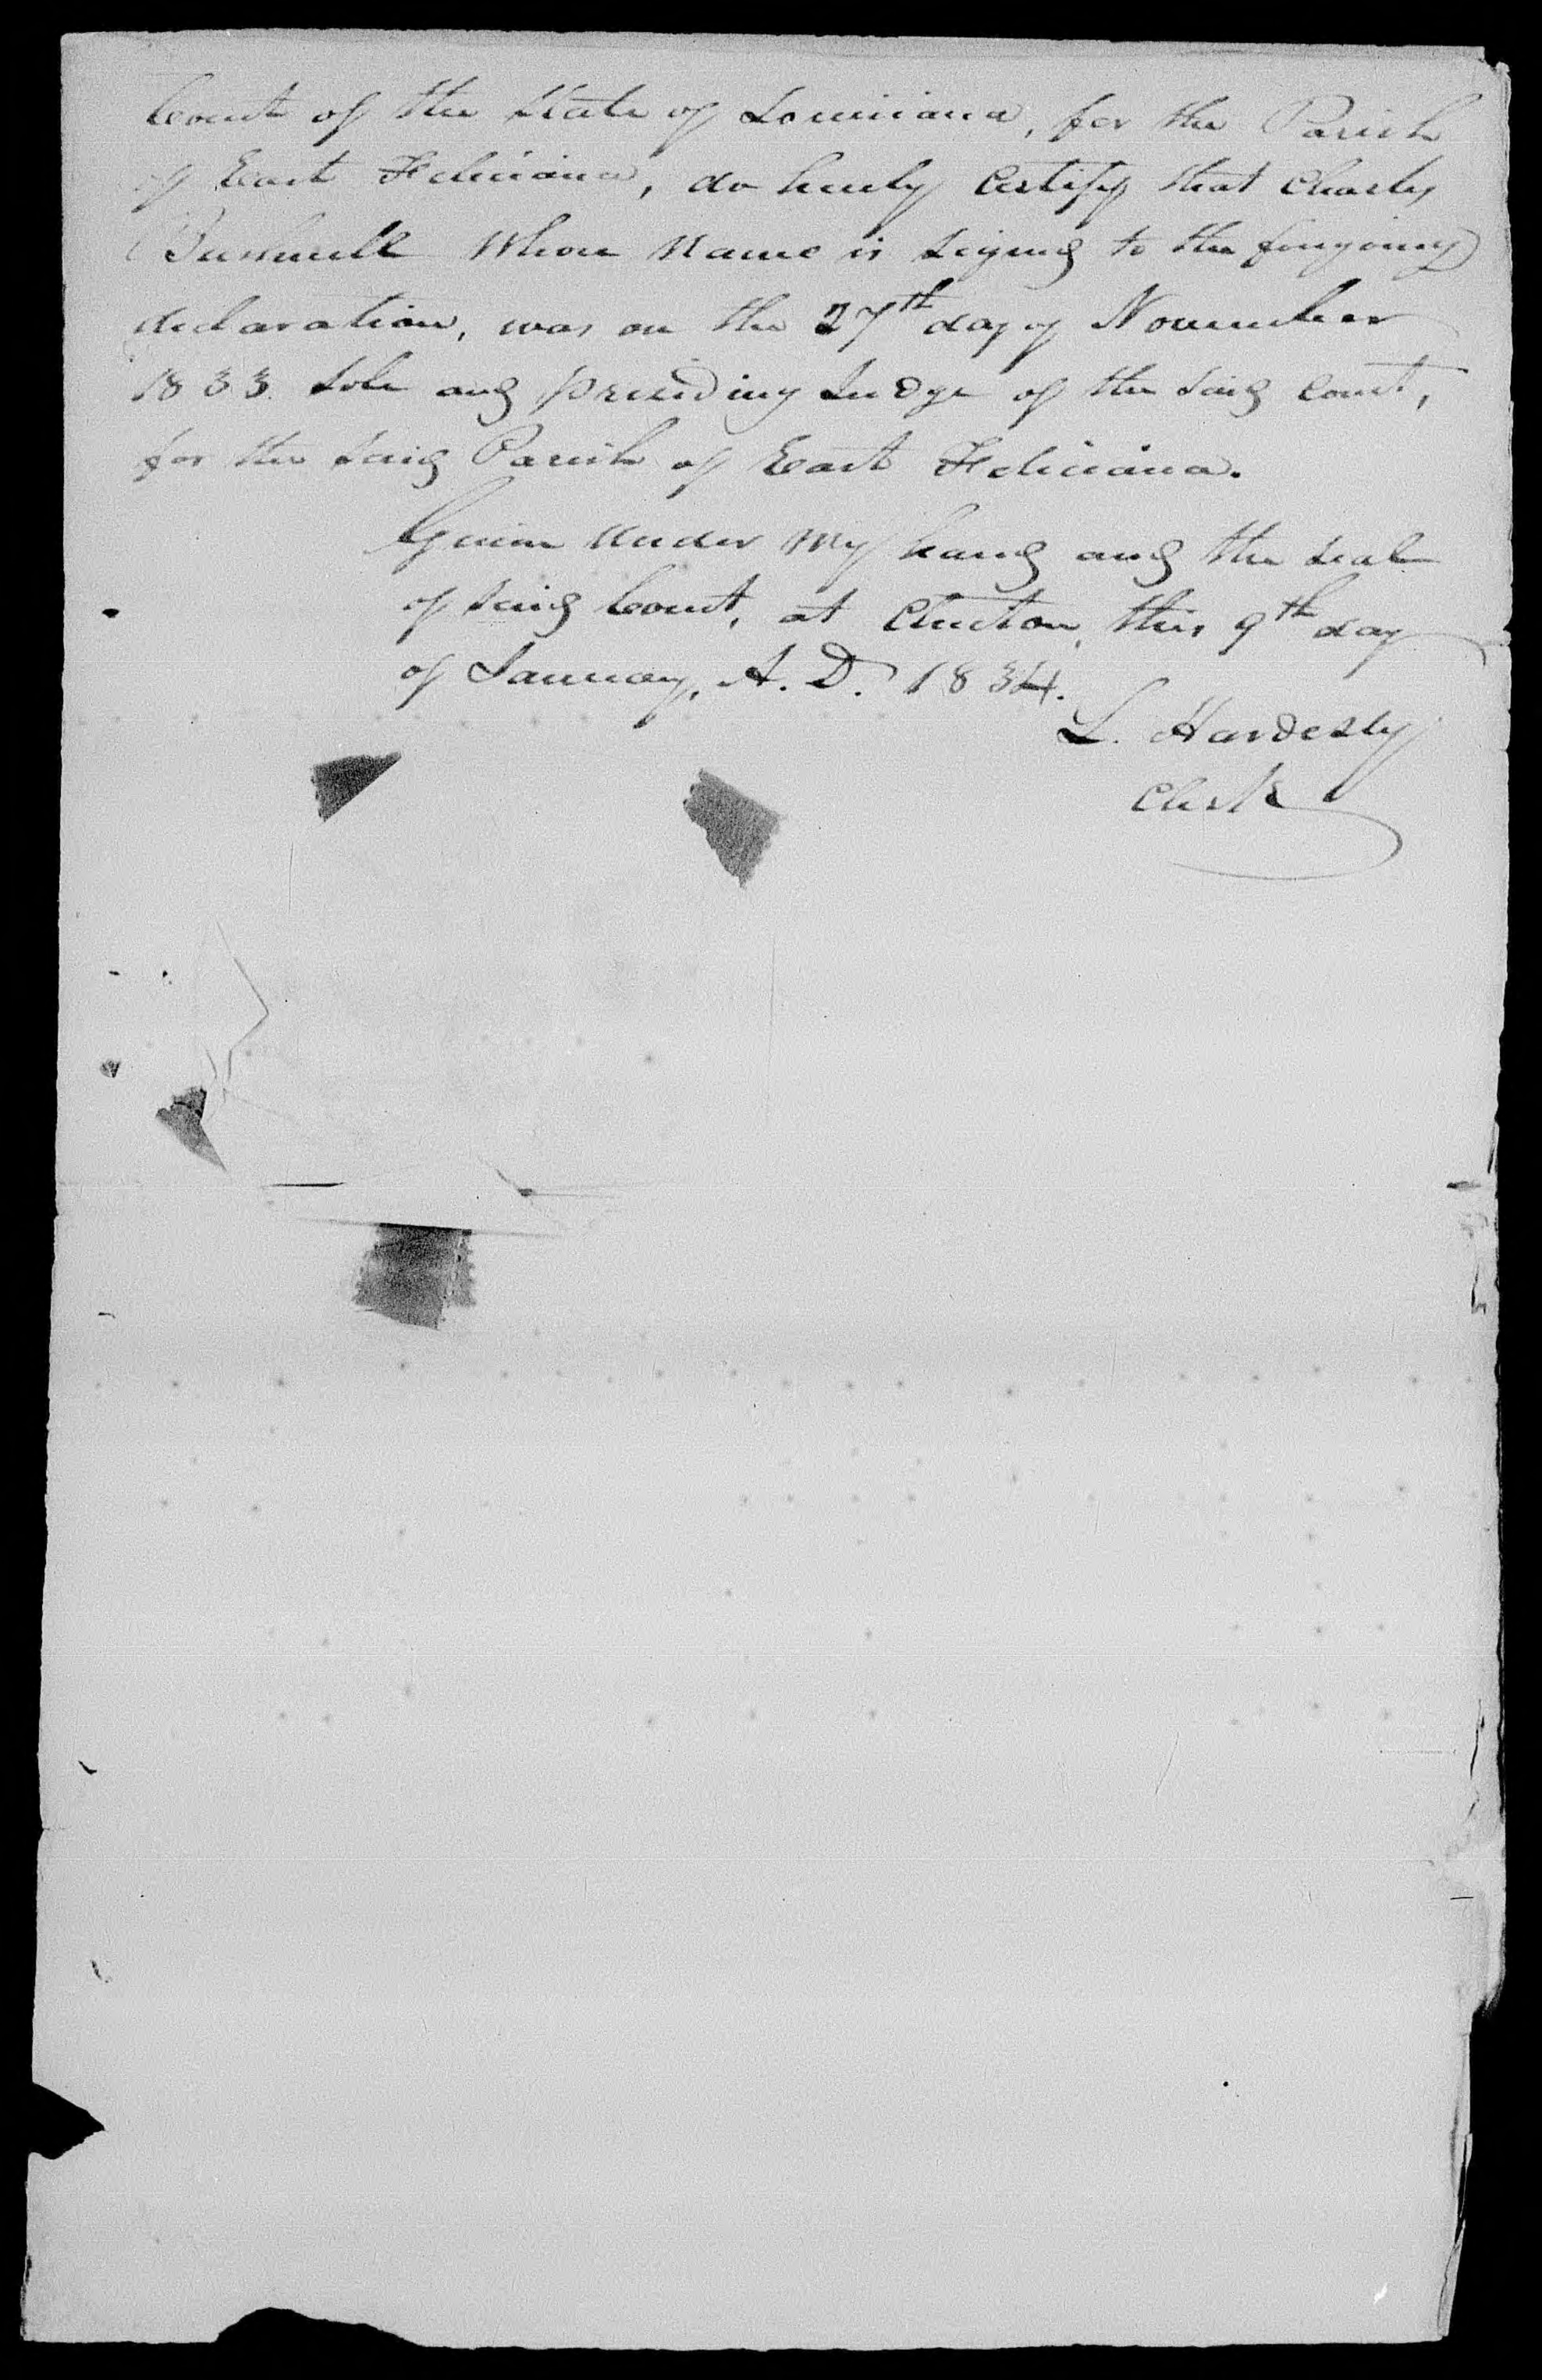Court of the State of Louisiana, for the Parish
of East Feliciana, do hereby certify that Charles
Bushnell whose name is signing to the foregoing
declaration, was on the 27th day of November
1833. Sole and presiding Judge of the said court,
for the said Parish of East Feliciana.
Given under my hand and the seal 
of said court, at Clinton this 9th day
of January, A.D. 1834
L. Hardesty
Clerk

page: 10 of 54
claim: survivor's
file: S. 31166, for Thomas Jackson, South Carolina